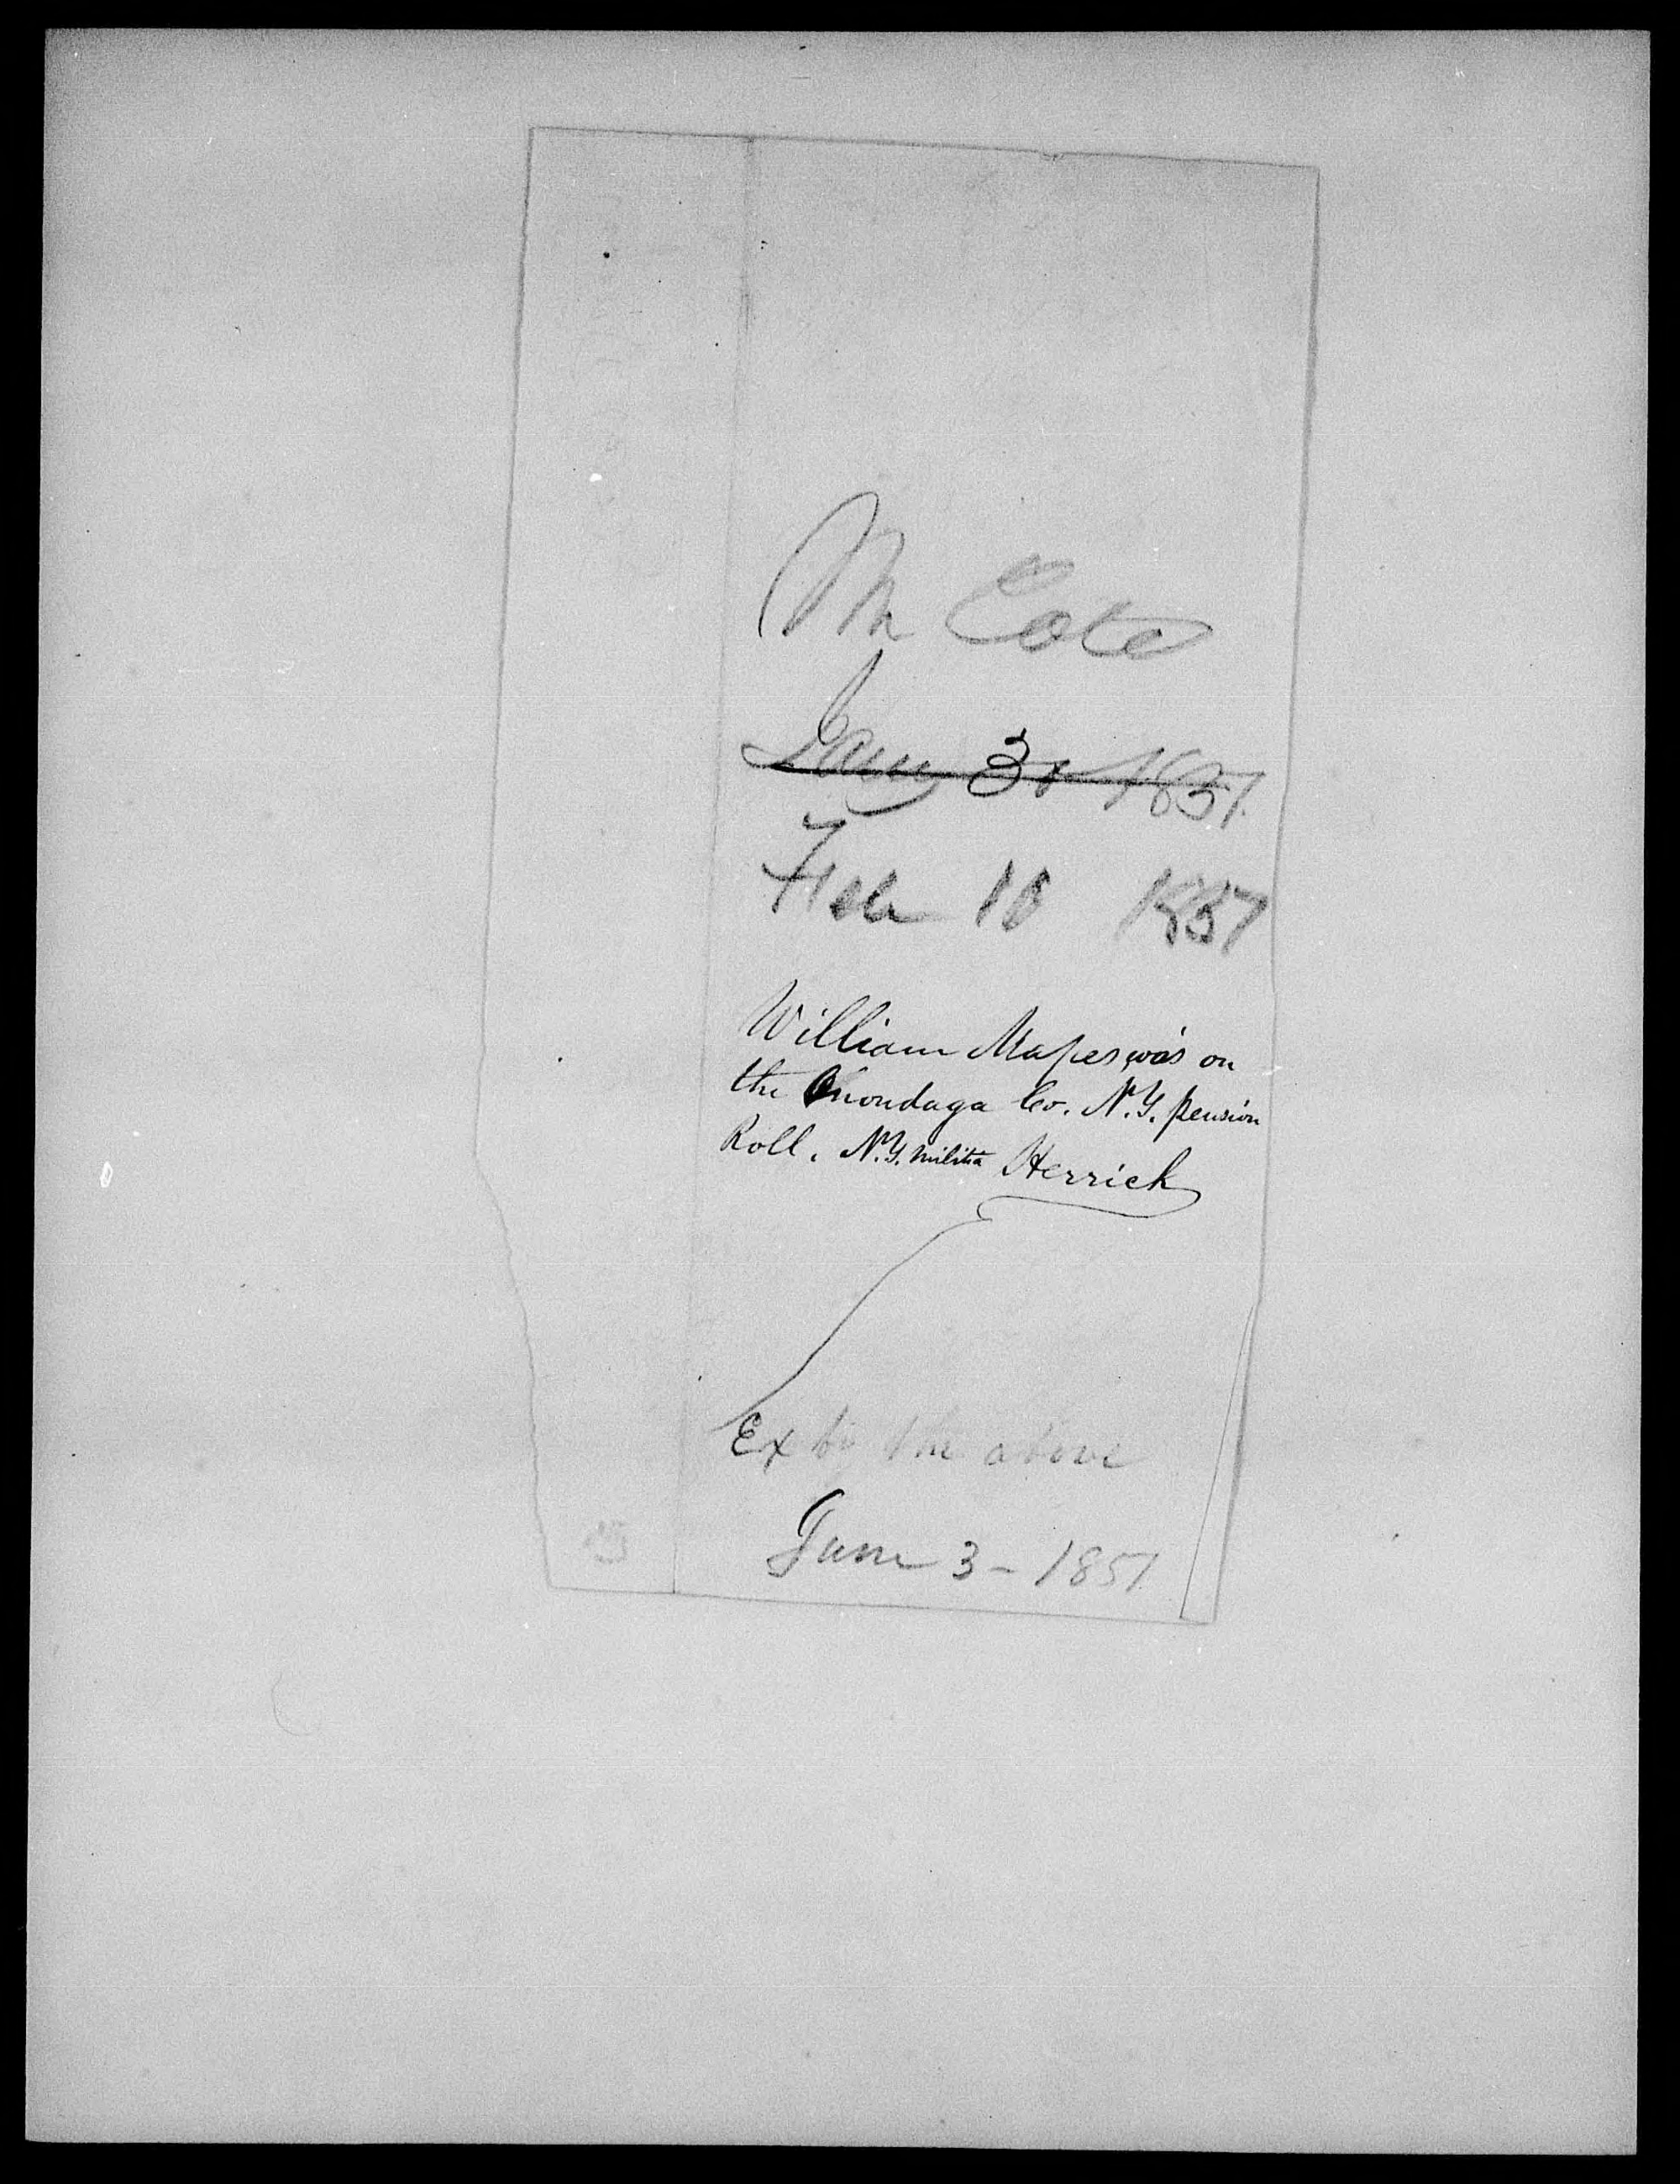M Cole 

[crossed out - Jany 31 1837]

Feb 10 1837 

William Mapes was on 
the Onondaga Co. N.Y. Pension 
Roll, N.Y. Militia          Herrick 


Ex by the above 
June 3 - 1857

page: 22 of 30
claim: survivor's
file: S. 13,873, for William Mapes, New York